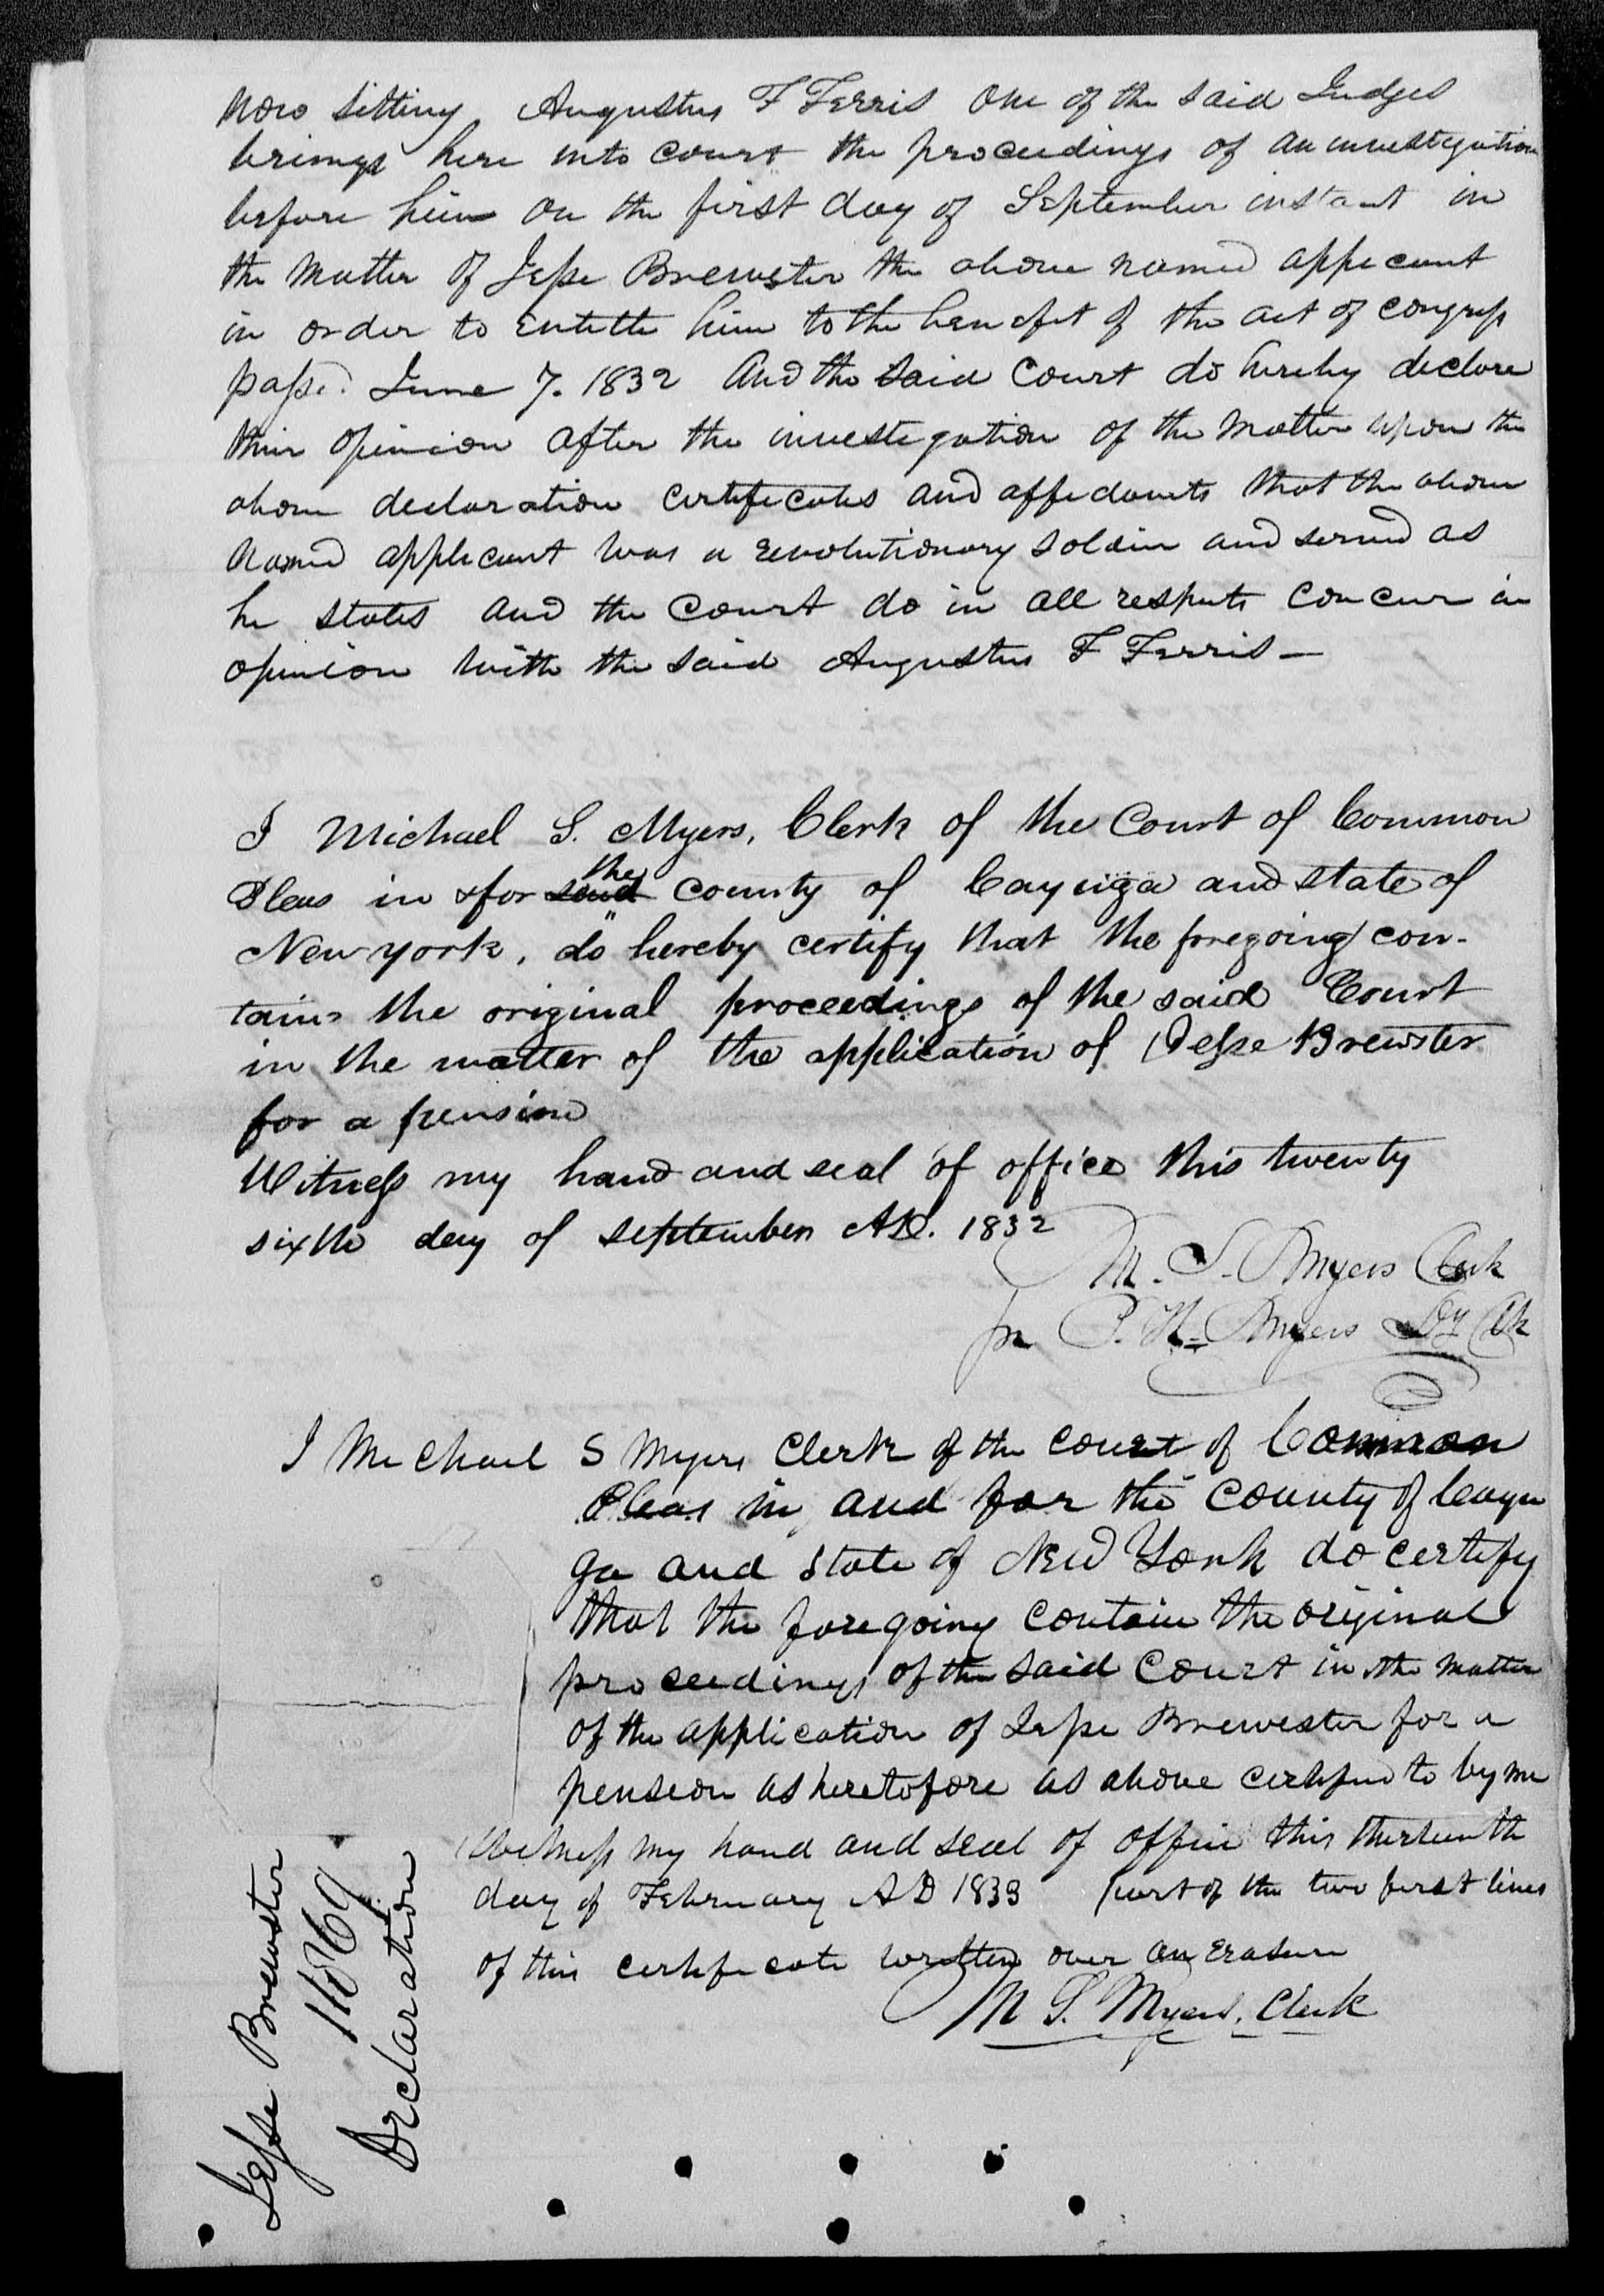now sitting Augustus F Ferris one of the said Judges brimgs here into court the proceedings of an investigation before him on the first day of September instant in the matter of Jesse Brewster the above named applicant in order to entitle him to the benefit of the act of congress passed June 7 1832 And the said court do hereby declare their opinion after the investigation of the matter upon the above declaration certificates and affidavits that the above named applicant was a revolutionary soldier and served as he states and the court do in all respects concur in opinion with the said Augustus F Ferris.
I Michael L Myers, clerk of the court of Common Pleas in + for the county of Cayuga and state of New York, do hereby certify that the foregoing contains the original proceedings of the said Court in the matter of the application of Jesse Brewster for a pension
Witness my hand and seal of office this twenty sixth day of September AD. 1832
M. S. Myers clerk for P.M. Myers  clk
I Michael S Myers clerk of the court of Common Pleas in and for the county of Cayuga and state of New York do certify that the foregoing  contain the original proceeding of the said court in the matter of the application of Jesse Brewster for a pension as heretofore as above  certifies to by me witness my hand and seal of office this thirteenth day of February AD 1833 part of the two first lines of this certificate written over an erasure M S. Myers clerk
Jesse Brewster 11869 Declaration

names: P H Myers, Augustus F Ferris, Augustus F Ferris, Jesse Brewster, Jesse Brewster, Jesse Brewster, Michael S Myers, M S Myers, M S Myers, Michael S Myers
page: 25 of 26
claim: survivor's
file: S. 12,291, Jesse Brewster, New York